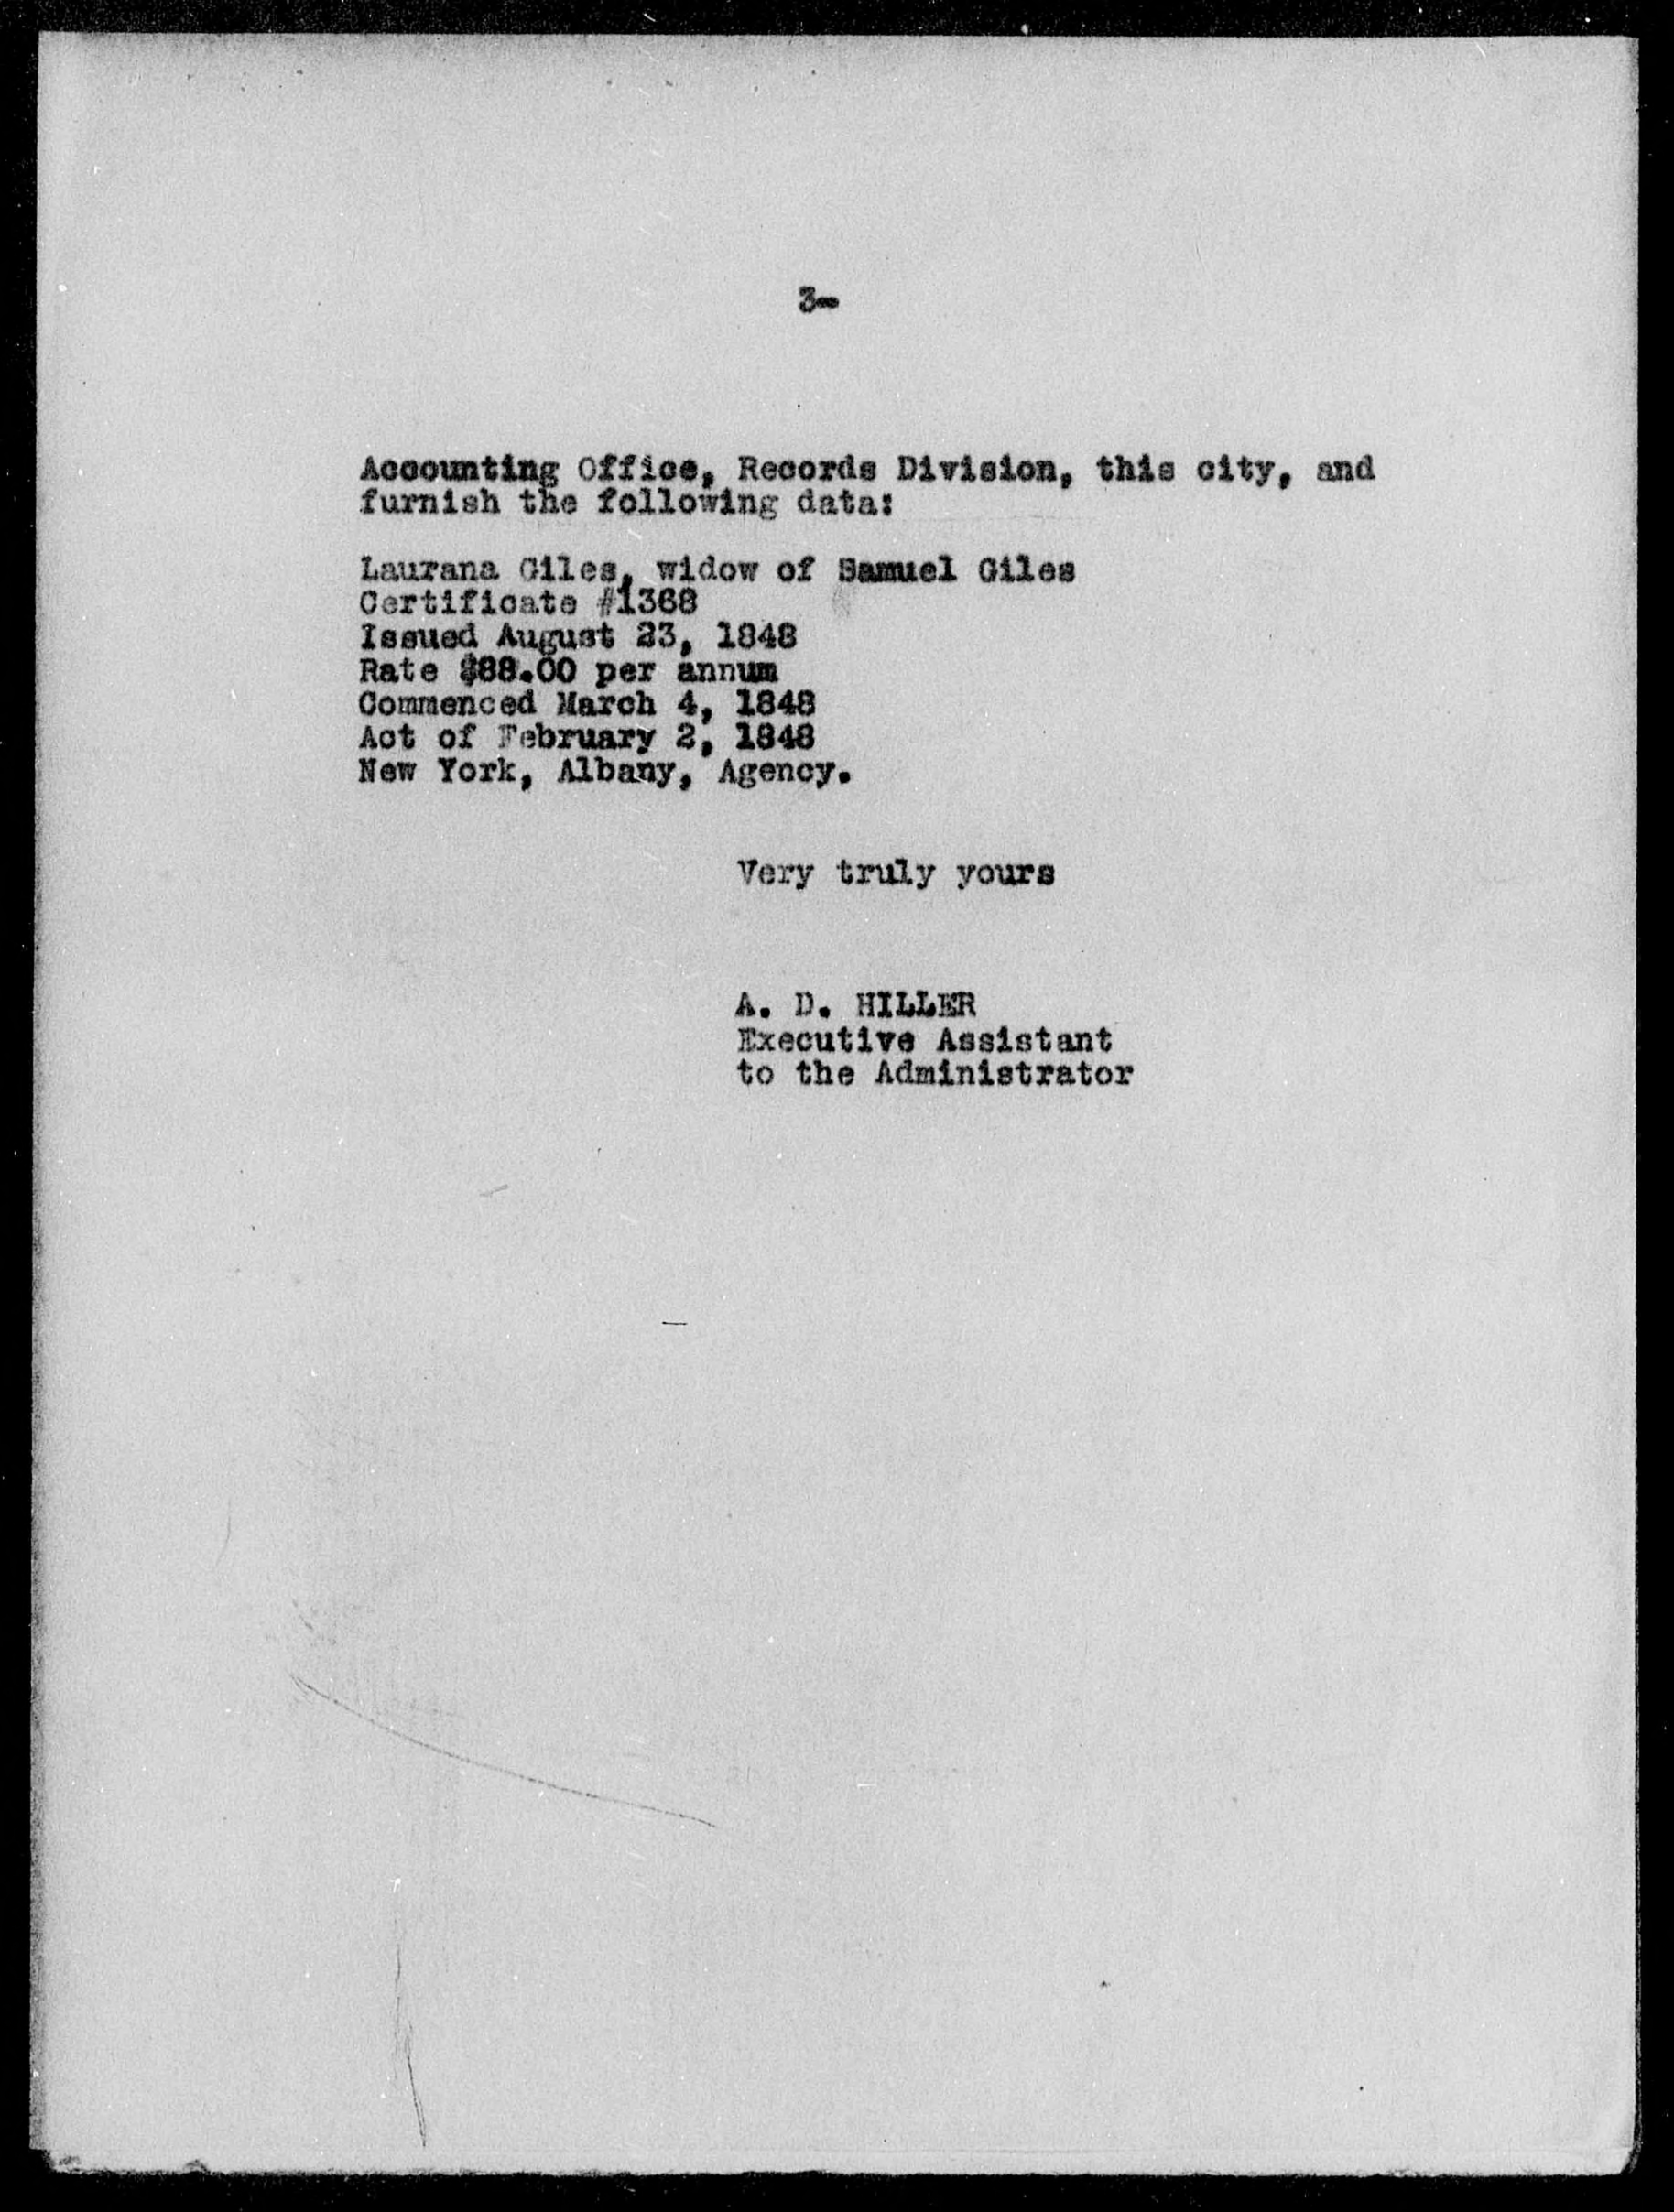[Page] 3-

[Continued from page 2: General] Accounting Office, 
Records Division, this city, and
furnish the following data:

Laurana Giles, widow of Samuel Giles
Certificate #1368
Issued August 23, 1848
Rate $88.00 per annum
Commenced March 4, 1848
Act of February 2, 1848
New York, Albany, Agency.


Very truly yours
A. D. HILLER
Executive Assistant
to the Administrator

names: A D Hiller, Laurana Giles, Samuel Giles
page: 21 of 55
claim: widow's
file: W. 19503, Samuel Giles, Conti. Mass. New York